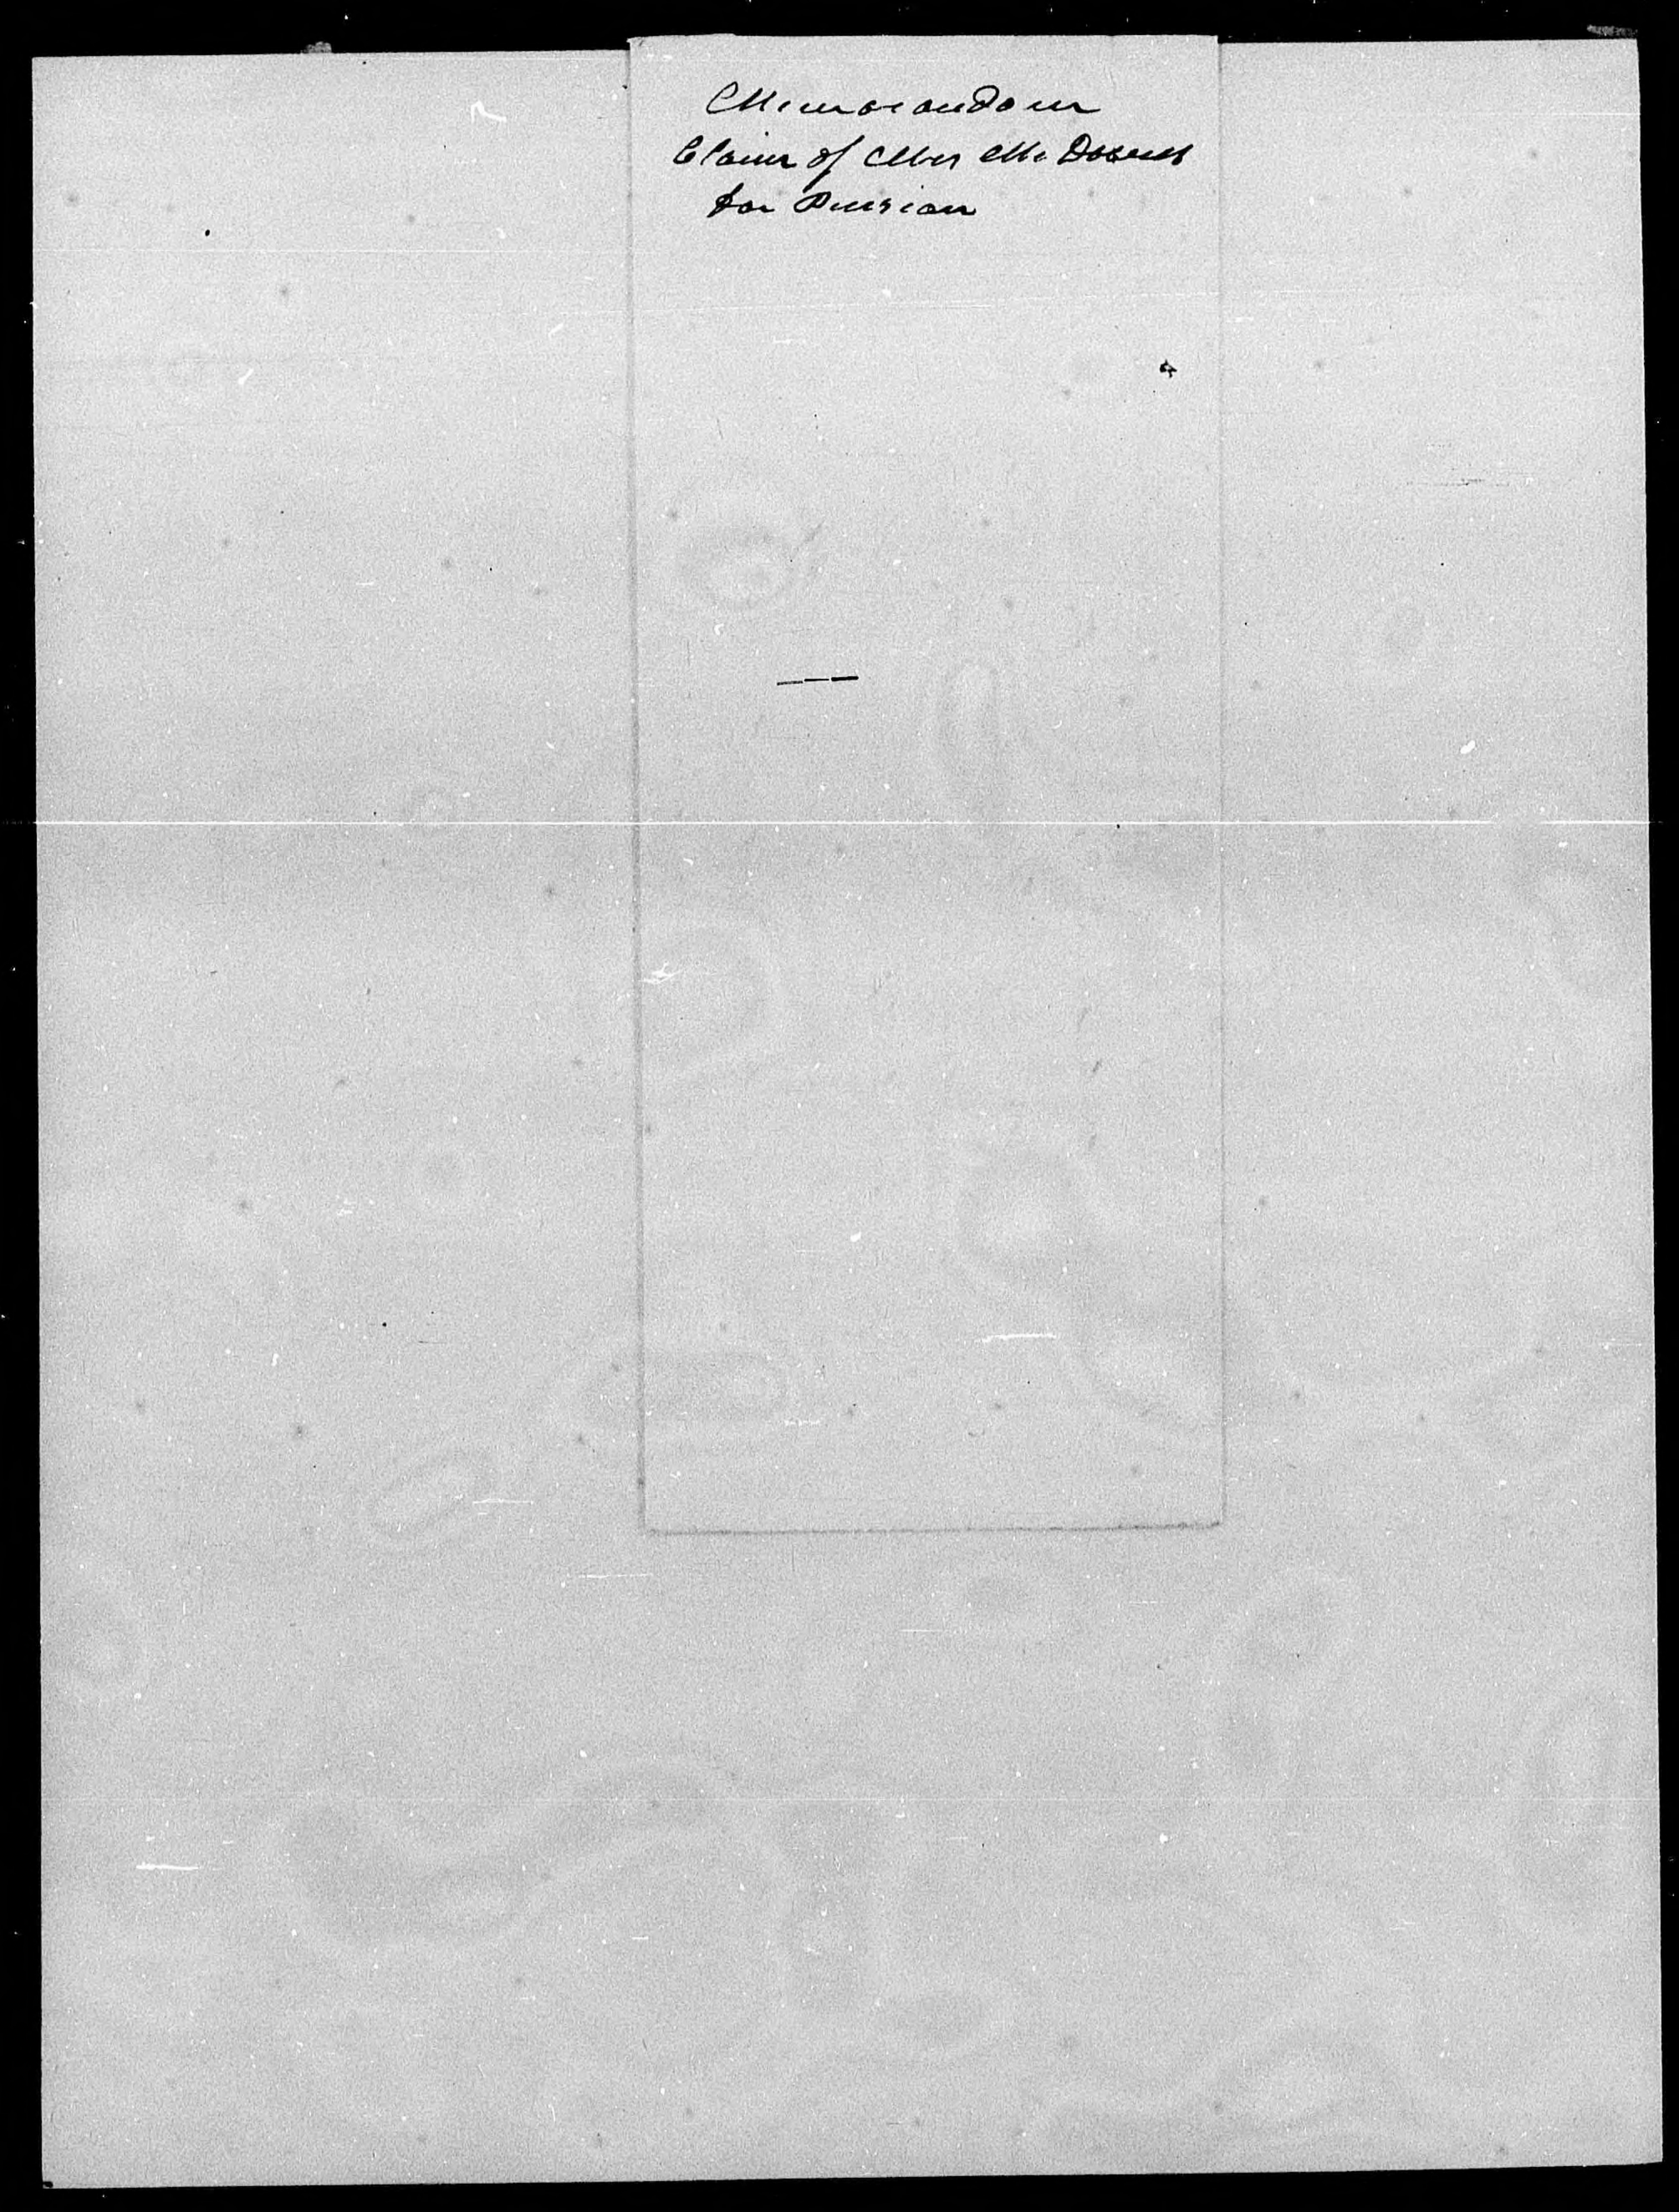Office of auditor
Claim of Mrs McDowell for pension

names: [BLANK] Mc Dowell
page: 40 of 63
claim: widow's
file: W 2957, for Thomas Mc Dowell, Maryland